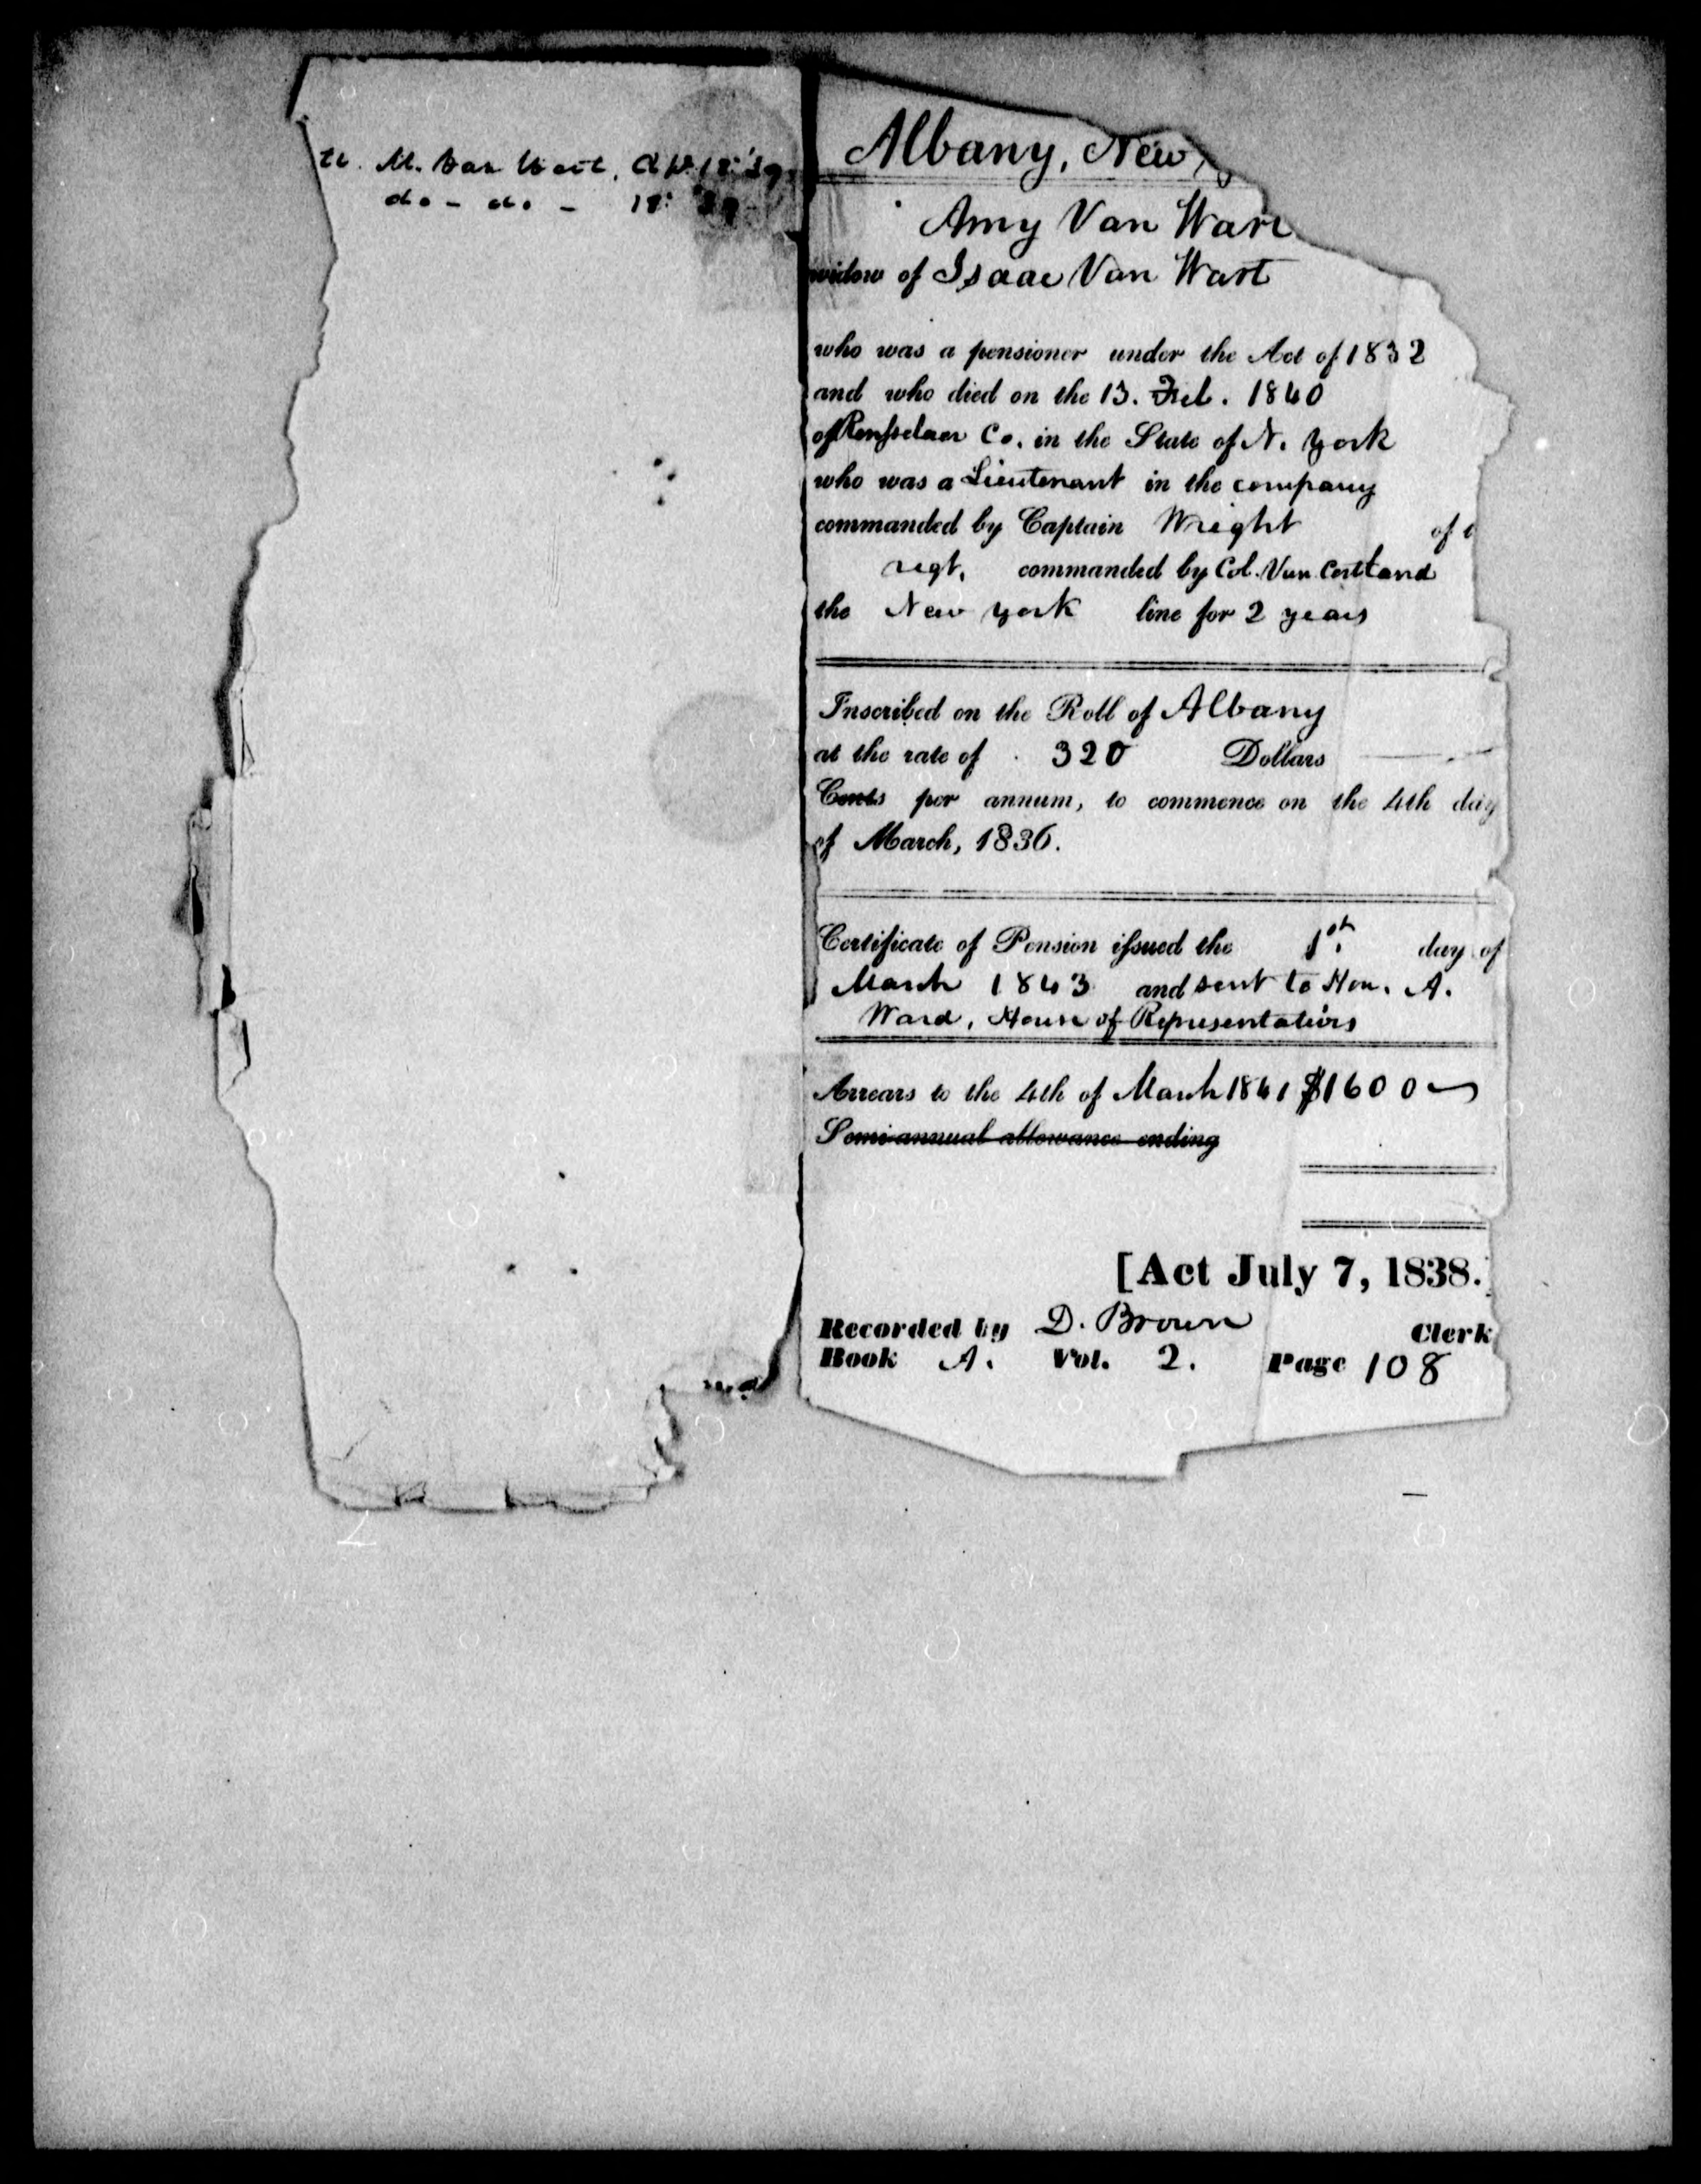[left side]
26 M. Van Wart, Cl W. 12 ‘29
do- do- 18: ‘29

[right side]
Albany, New [York]
Amy Van Wart widow of Isaac Van Wart who was a pensioner under the Act of 1832 and who died on the 13. Feb. 1840 of Rensselaer Co. in the State of N. York who was a Lieutenant in the company commanded by Captain Wright of the regt. commanded by Col. Van Cortland the New York line for 2 years 
Inscribed on the Roll of Albany at the rate of 320 Dollars --- Cents per annum, to commence on the 4th day of March, 1836. 
Certificate of Pension issued the 1st day of March 1843 and sent to Hon. A. Ward, House of Representatives 
Arrears to the 4th of March 1841 $1600- [Semi-annual allowance ending, crossed out]
[Act July 7, 1838.] Recorded by D. Brown Clerk
Book A. Vol. 2. Clerk Page 108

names: Van Cortland, A Ward, Isaac Van Wart, Amy Van Wart, D Brown, Wright, M Van Wert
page: 32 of 102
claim: widow's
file: W. 18239, Isaac Van Wart, New York